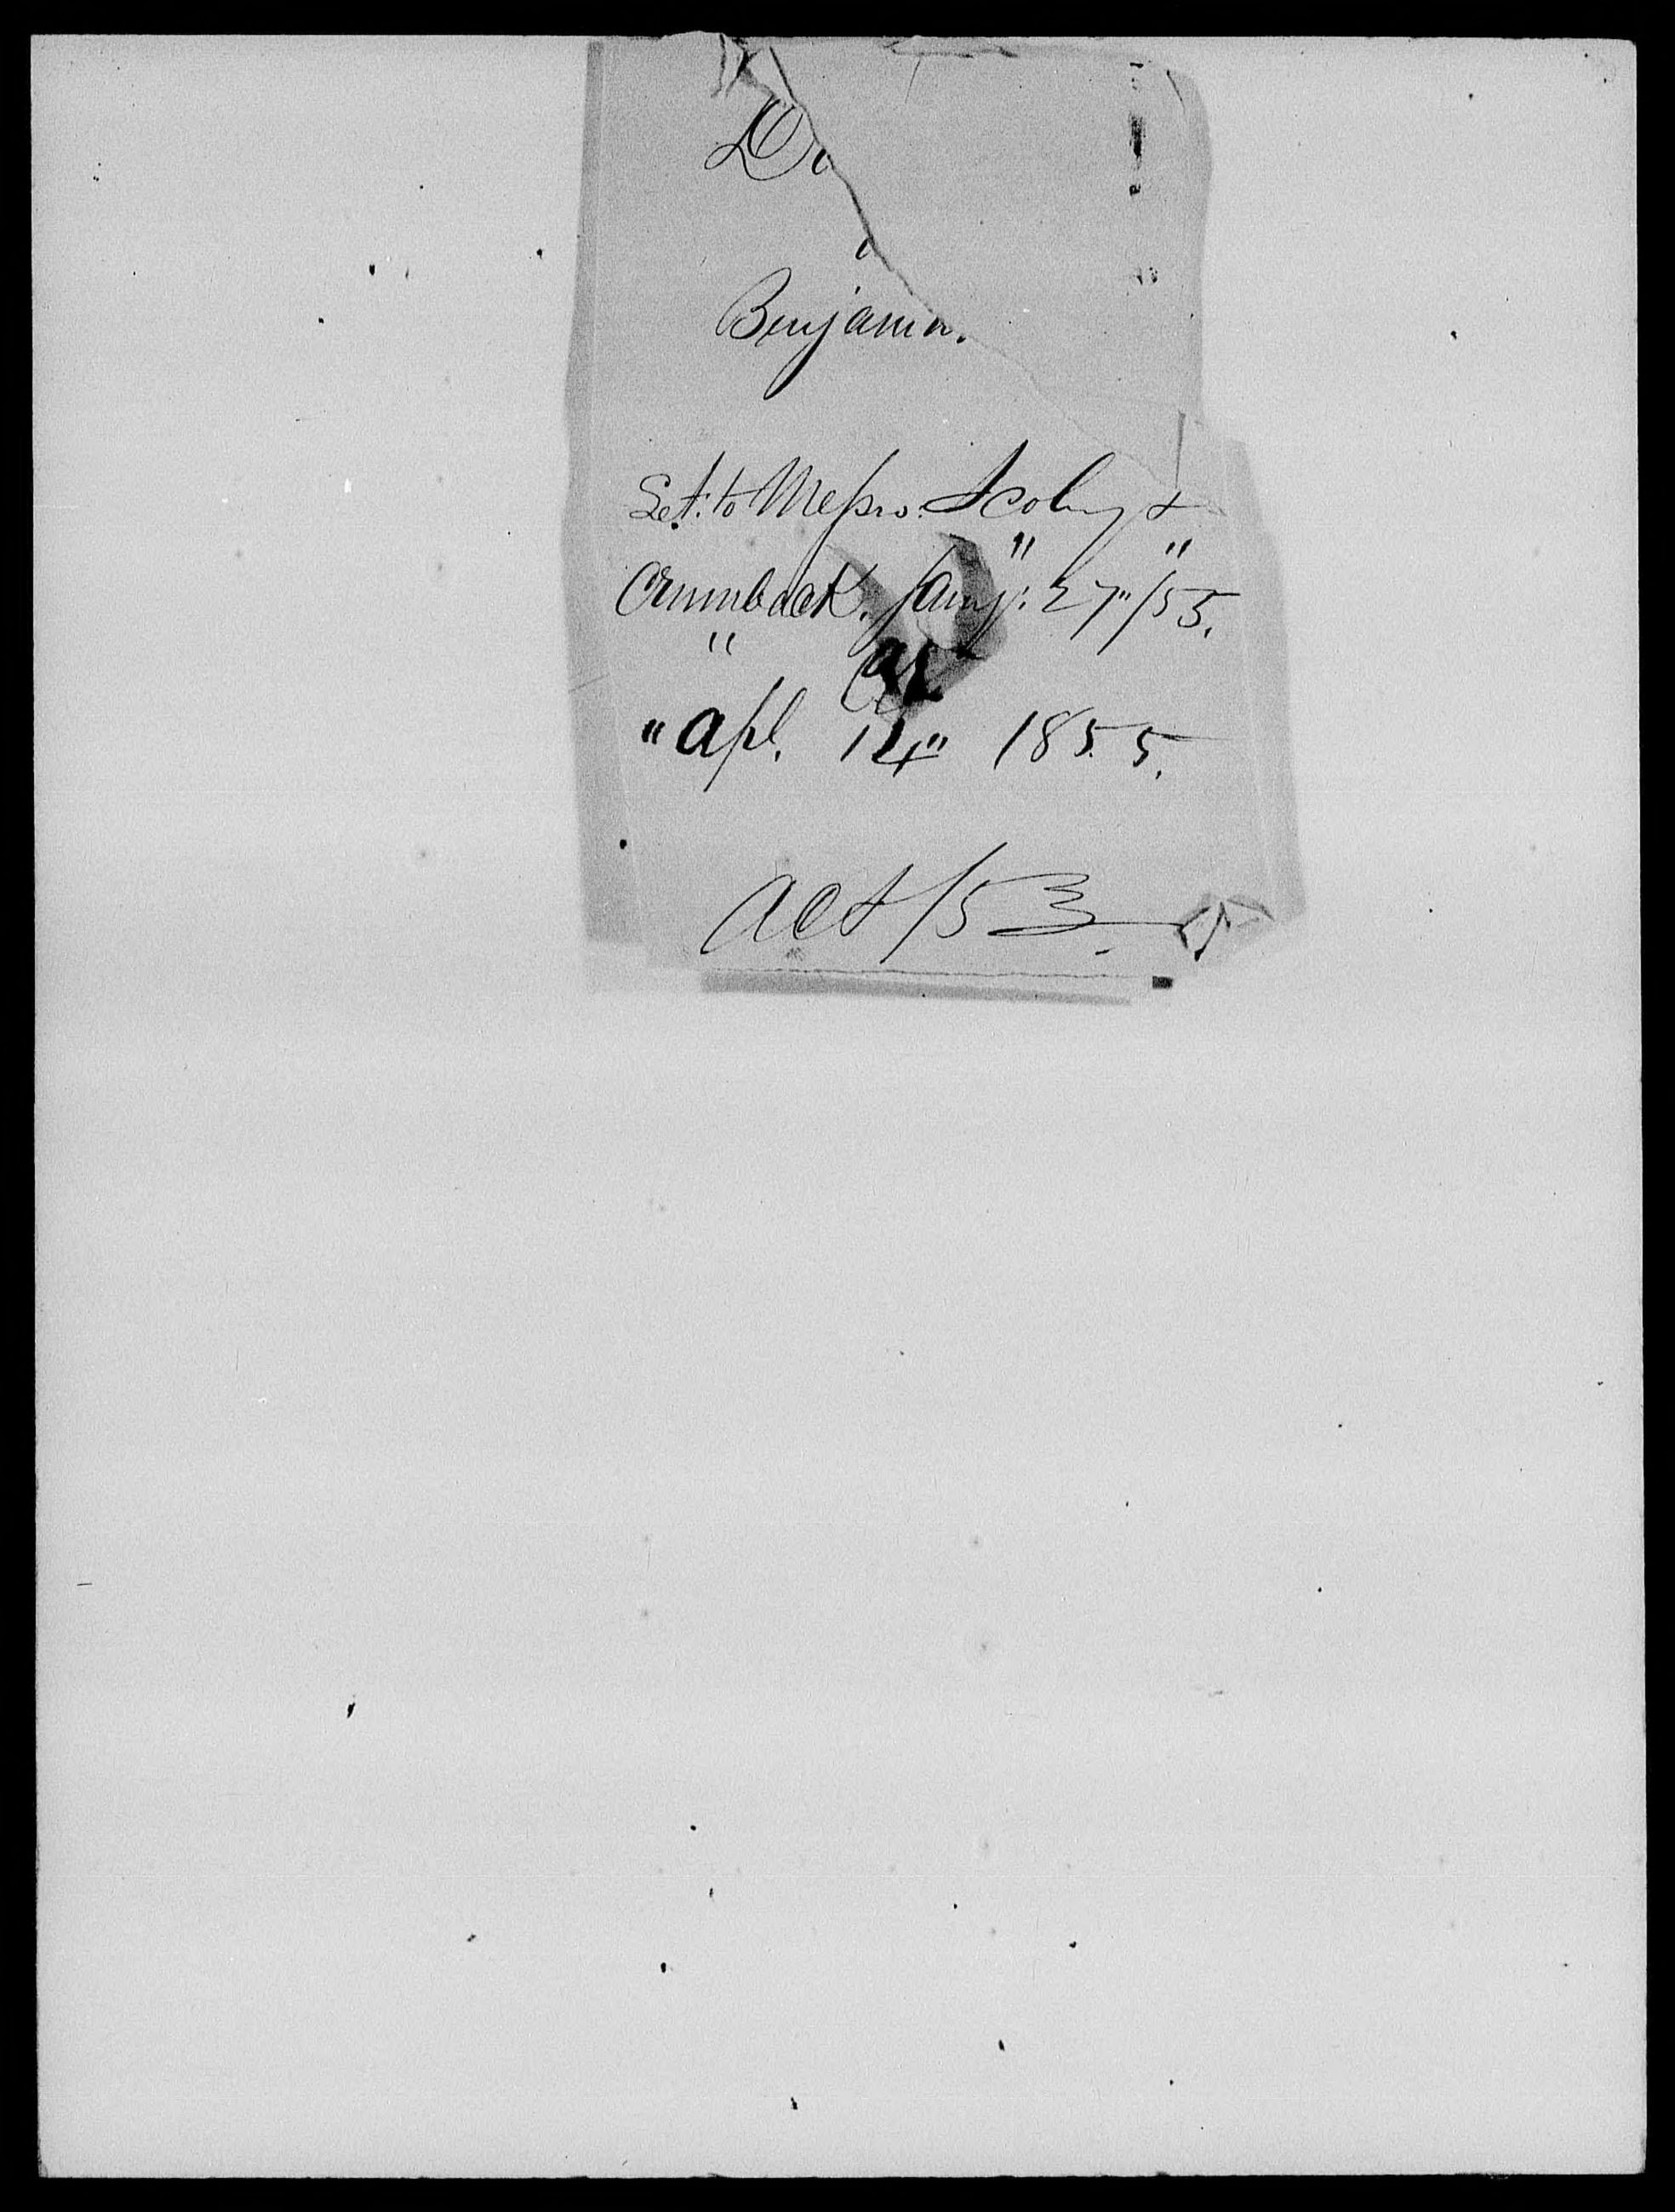D[orcas; illegible; page ripped]
Benjamin

Set: to Messrs Scobey & Crumback, Jany: 27" /55,
"Apl 14" 1855

Act /53.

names: Scobey, Benjamin, Crumback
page: 24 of 39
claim: widow's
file: W. 11060, Benjamin Gosnell, Va.